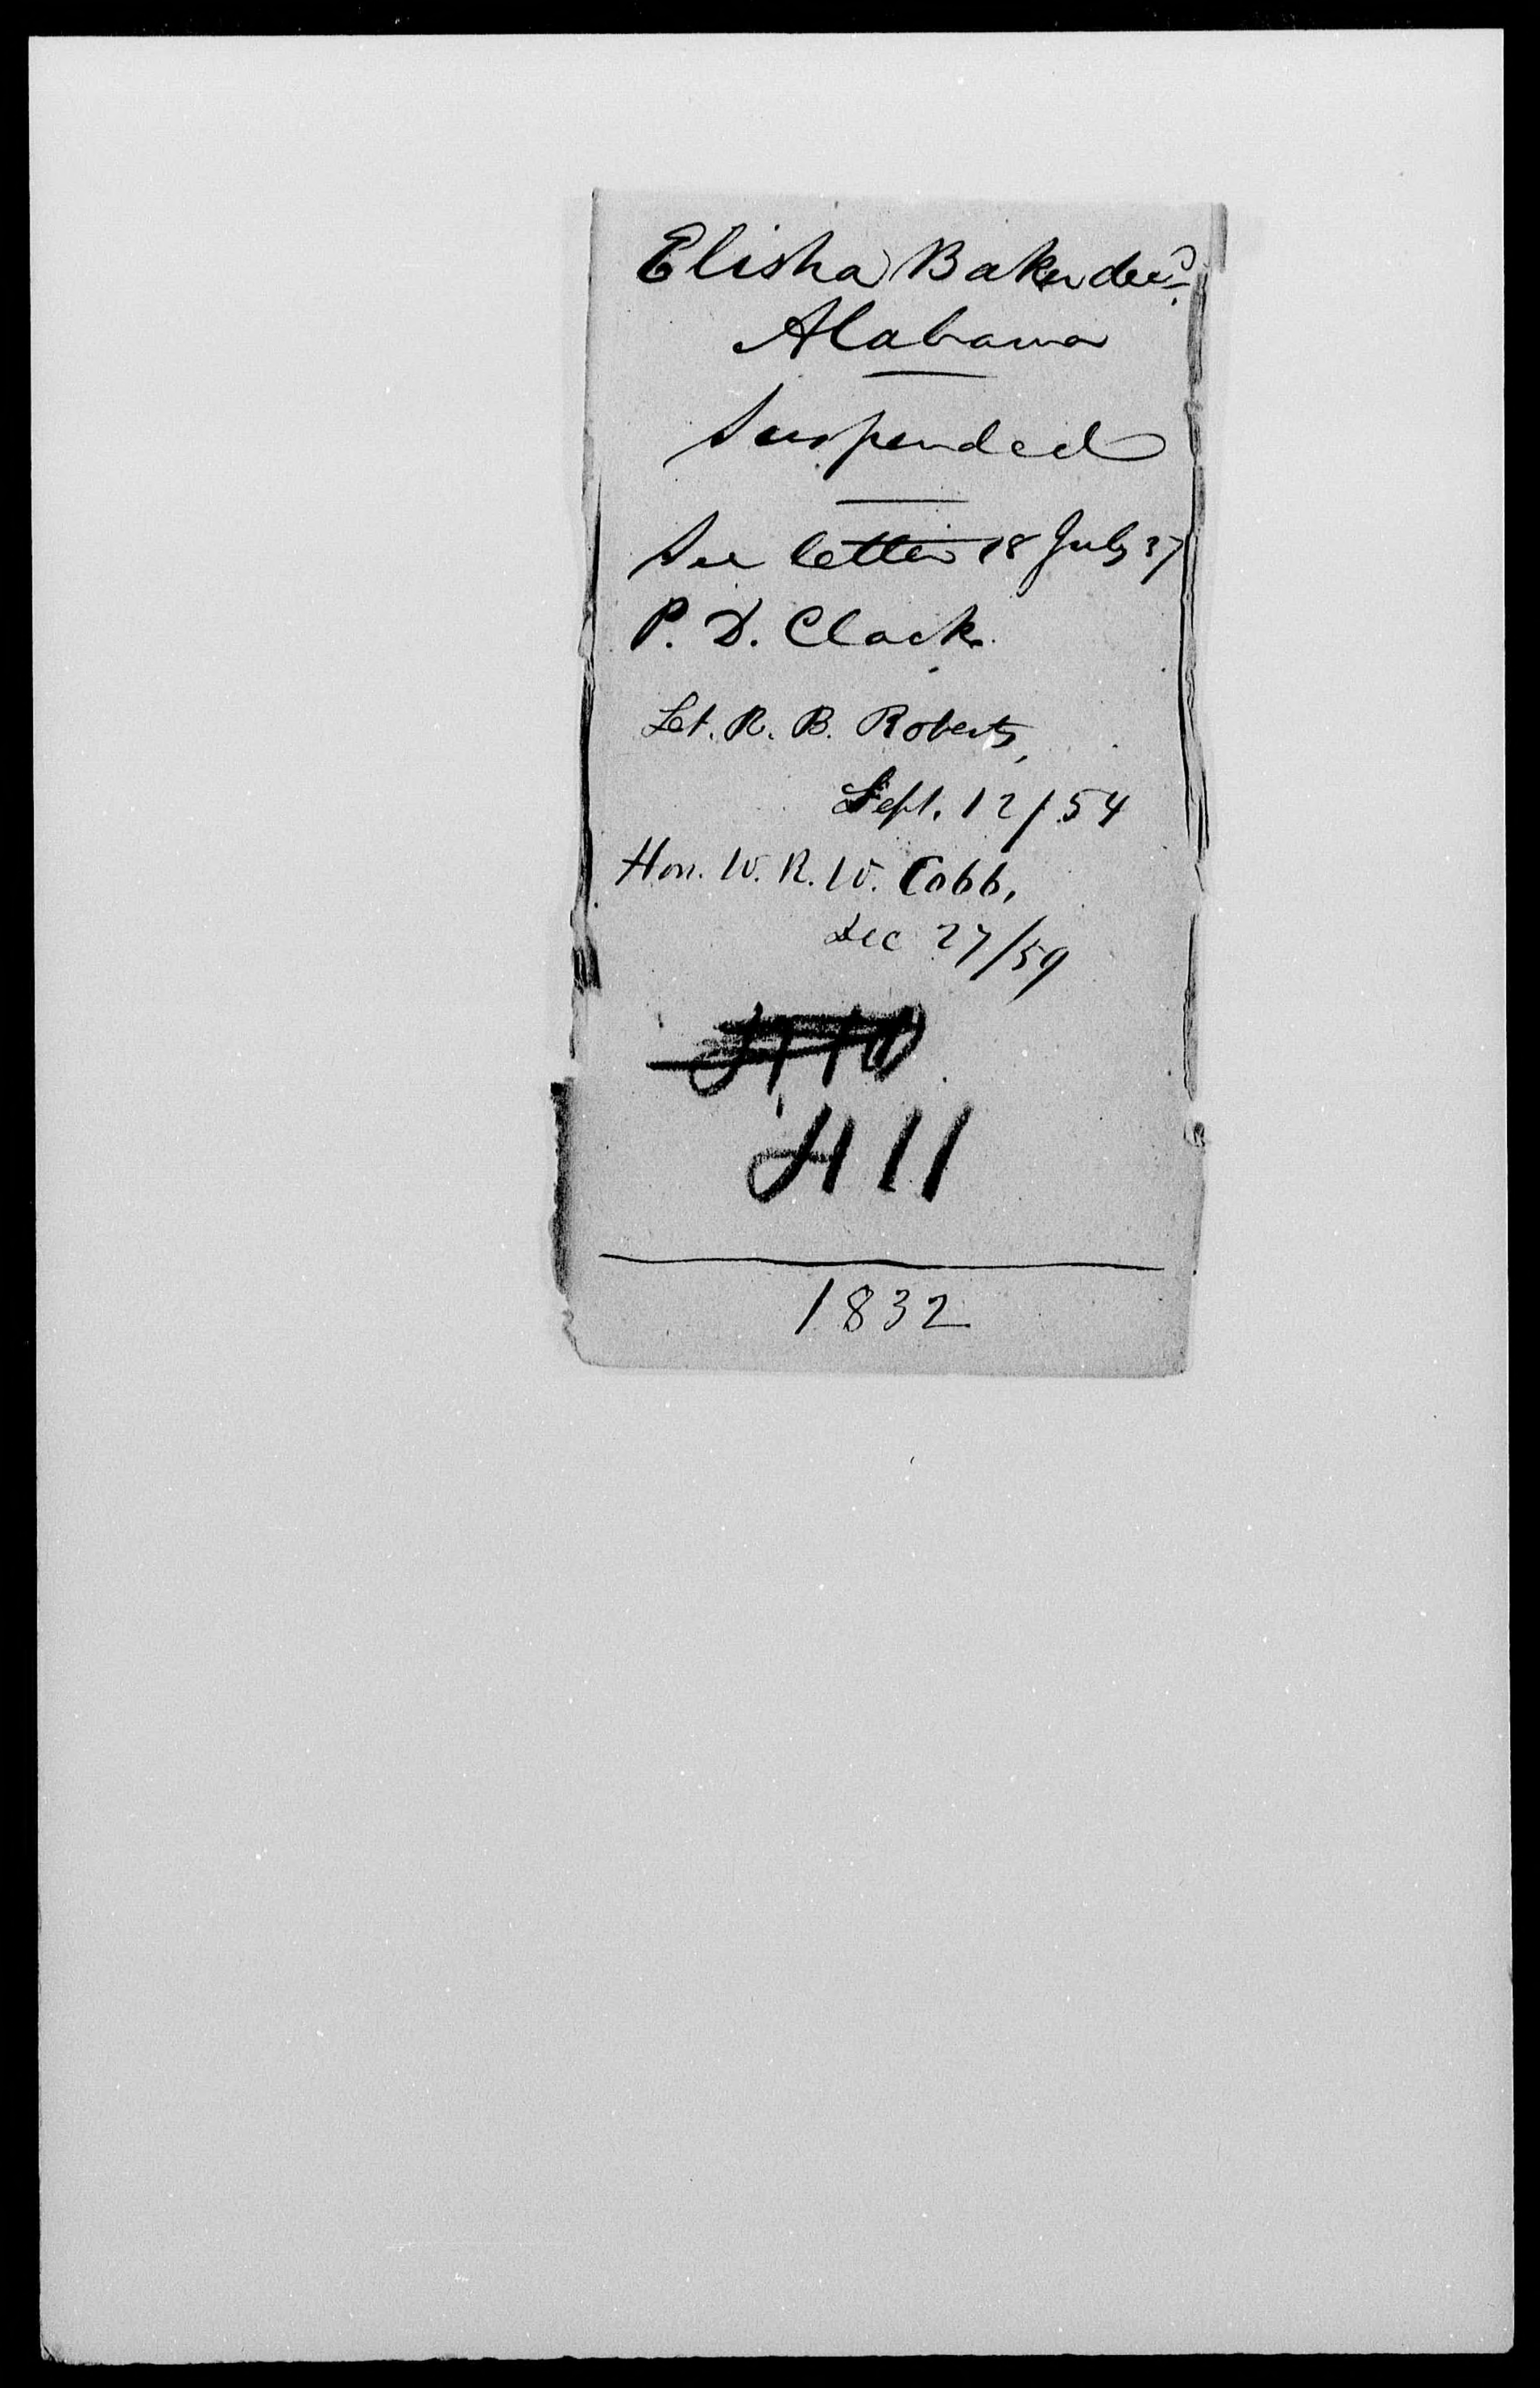Elisha Baker dec'd.
Alabama
Suspended
See letter 18 July 37
P.D. Clack
Lt. R. B. Roberts,
Sept. 12/54
Hon. W. R. W. Cobb,
Dec 27/5
H 11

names: P D Clack, Elisha Baker, R B Roberts, W R W Cobb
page: 19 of 22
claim: rejected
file: R. 411, Elisha Baker, N.C.